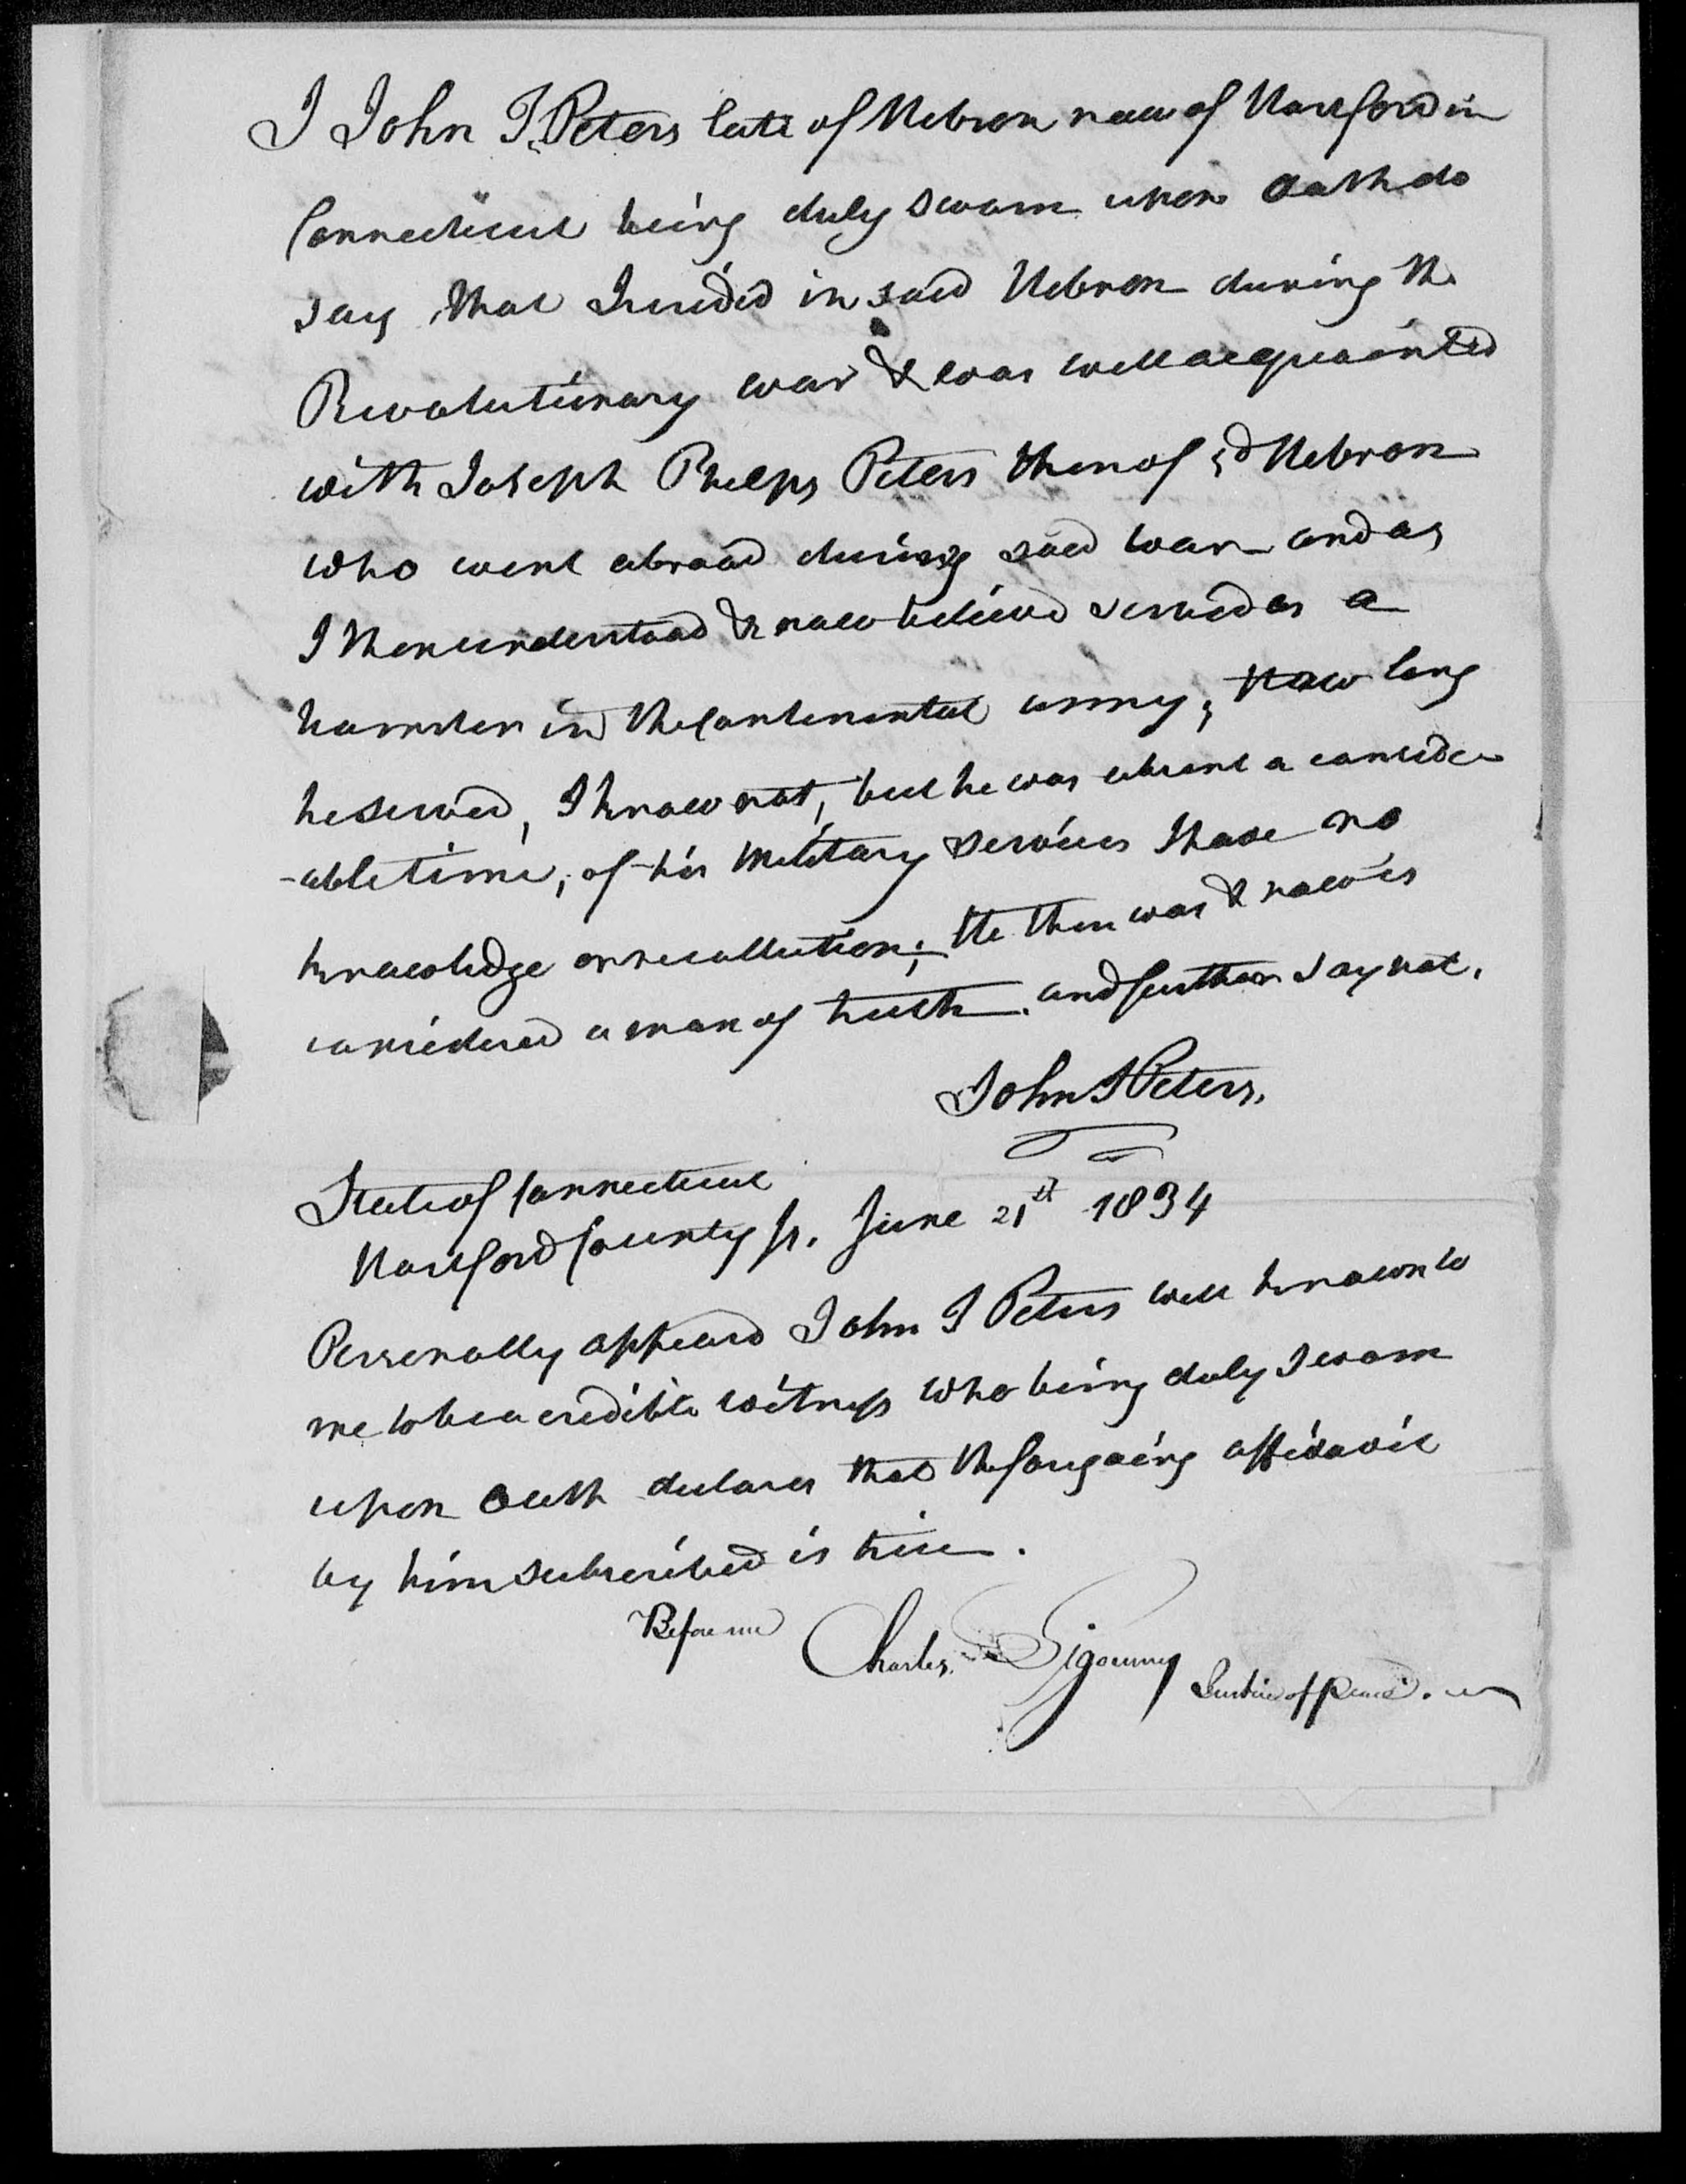I John T. Peters late of Hebron now of Harford in Connecticut being duly sworn upon oath do say that resided in said Hebron during the Revolutionary war & was well acquainted with Joseph Phelps Peters thereof said Hebron who went abroad during said war and as understood & now believe served as a teamster in the Continental army, how long he served. I know not, but he was absent a considerable time, of his military services I have no knowledge or recollection, he then was considered a man of truth. and further say not. 
John T. Peters  
State of Connecticut 
Harford County ss. June 21st 1834 Personally appeared John T Peters well known to me to be credible witness who being duly sworn upon oath declares that the foregoing affidavit by him subscribed is true Before me 
Charles Sigourney Justice Peace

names: John T Peters; Joseph Phelps Peters; Charles Sigourney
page: 40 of 73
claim: widow's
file: W. 2338, for Joseph P Peters, Connecticut